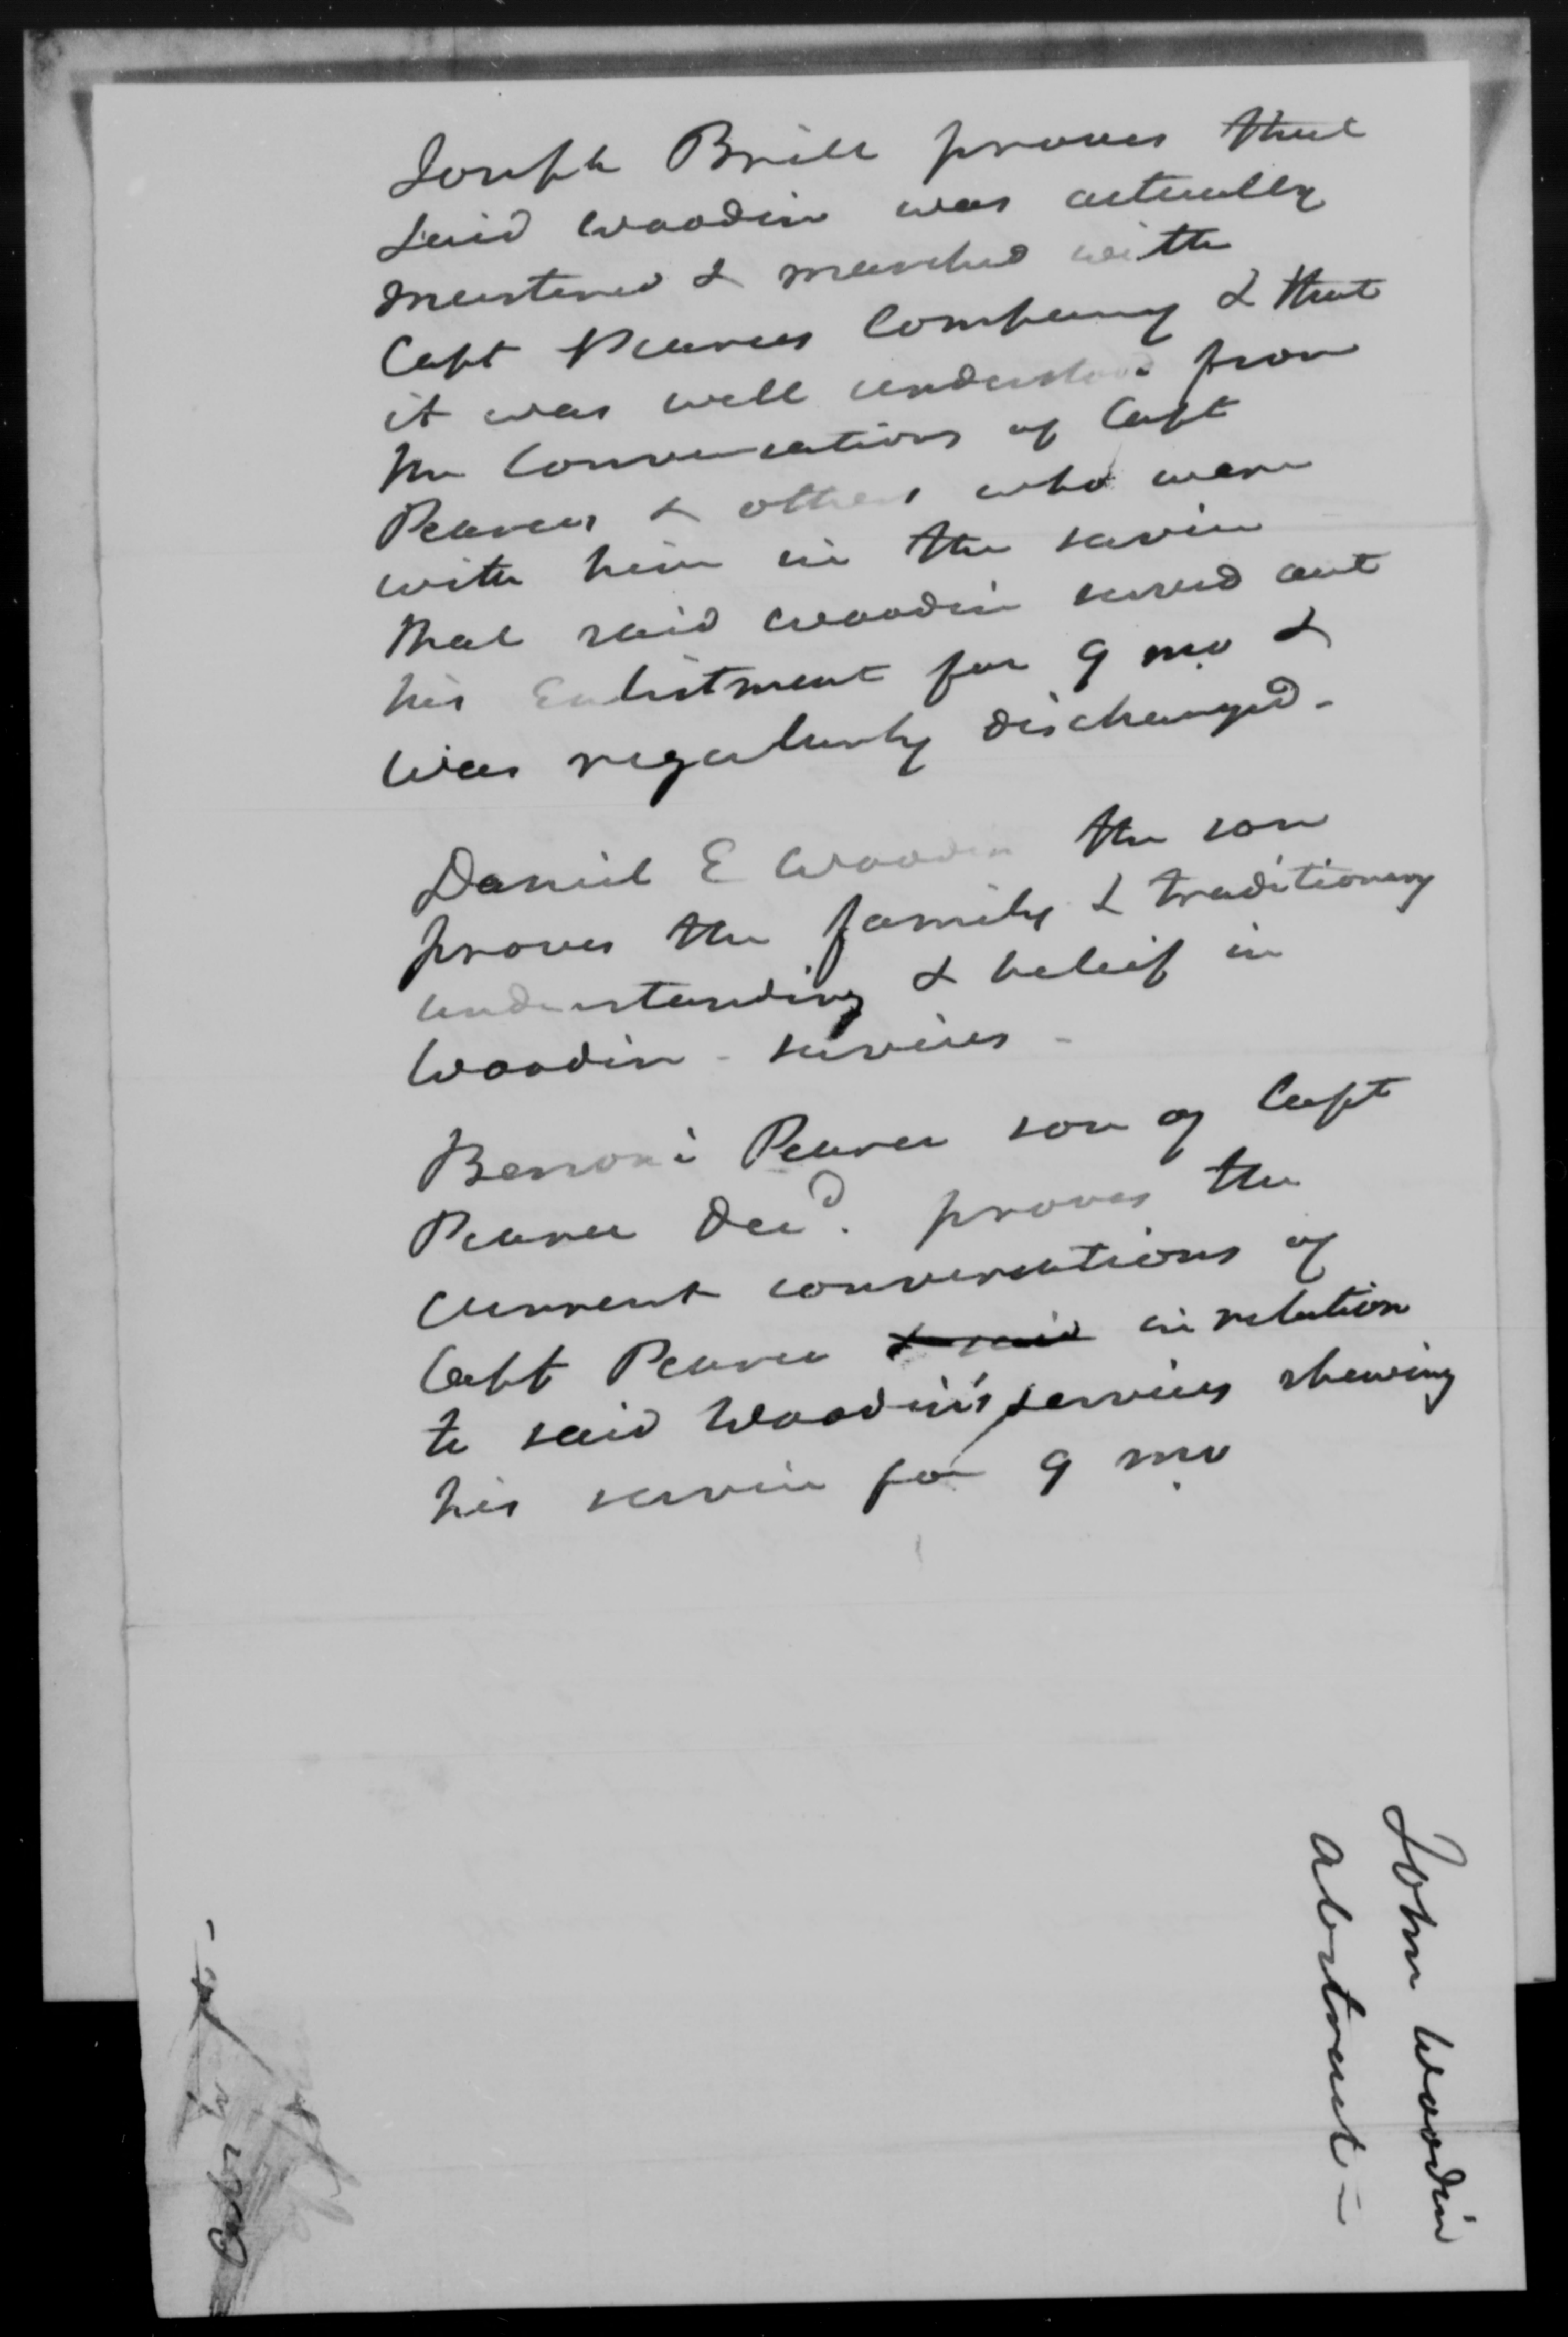Joseph Brill proves that said Woodin was actually mustered & marched with Capt Pearces company & that it was well understood from his conversations of Capt Pearce & others who were with him in the service that said Woodin served out his enlistment for 9 mo & was regularly discharged 
Daniel E Woodin the son proves the family & traditionary understanding & belief in Woodin services 
Benoni Pearse son of Capt Pearse dec? proves the current conversations of Capt Pearse in relation to said Woodin’s services showing his service for 9 mo


John Woodin
Abstract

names: Woodin, Joseph Brill, Daniel E Woodin, Benoni Pearce, Pearces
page: 68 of 77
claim: widow's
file: W. 19658, John Woodin, New York